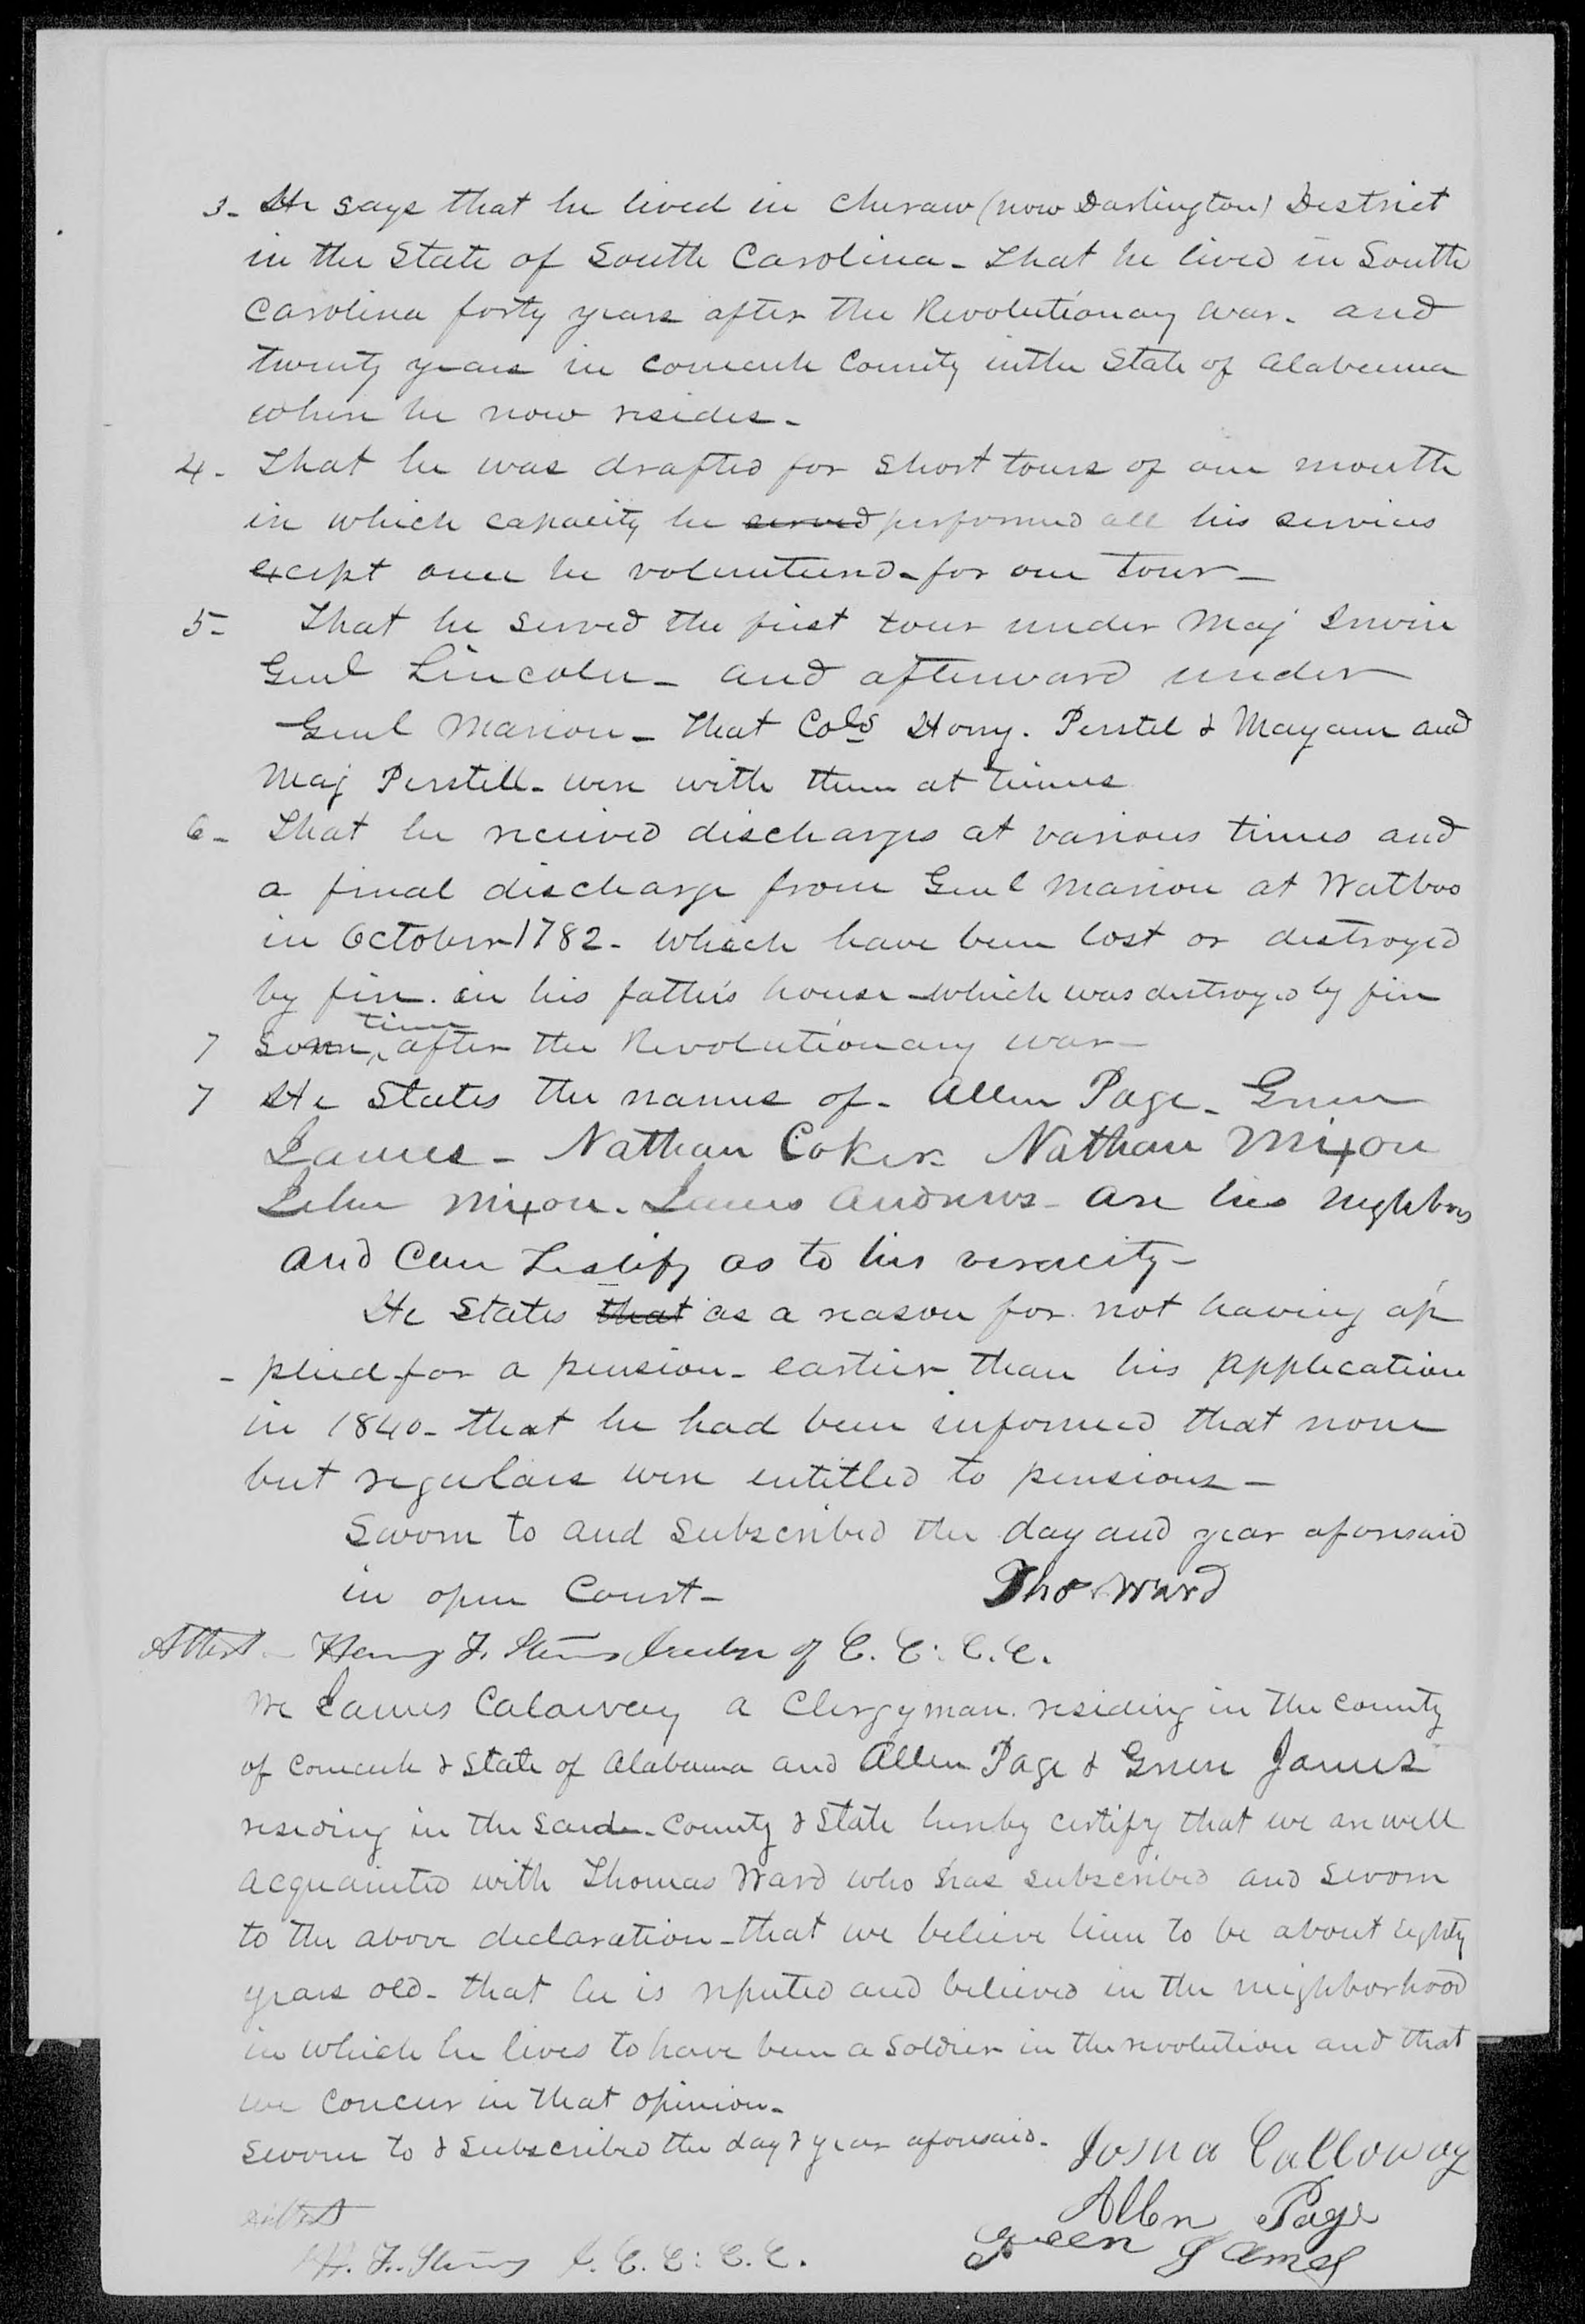3.  He says that he lived in the Churaw (now Darlington) District in the State of South Carolina _ That he lived in South Carolina forty years after the Revolutionary War.  and twenty years in Conecuh County within the State of Alabama where he now resides.
4.  That he was drafted for short tours of one month in which capacity he ['served' crossed out] performed all his services except once he volunteered. for one tour __
5.  That he served the first tour under Maj Irwin Genl Lincoln __ and afterward under Genl Marion _  That Cols Horry. Perstel &[and] Mayam and Maj Perstell. were with them at times
6_. That he received discharges at various times and a final discharge from Genl Marion at Watboo in October 1782.  which gave been lost or destroyed by fire. in his father's house_ which was destroyed by fire
7 sometime after the Revolutionary war __
7. He states the names of.  Allen Page.  Green James _ Nathan Coker.  Nathan Mixon  John Mixon. James Andrews. are his neighbors and can Testify as to his veracity __

He states ['that' crossed out] as a reason for not having applied for a pension. earlier than his application in 1840_ that he had been informed that none but regulars were entitled to pensions __. sworn to and subscribed the day and year aforesaid in open Court__
Tho Ward
Attest    Henry F. Stems Judge of C. C: C. C.
We James Calloway a Clergyman residing in the county of Conecuh +[and] state of Alabama and Allen Page +[and] Green James residing in the said . County +[and] State hereby certify that we are well acquainted with Thomas Ward who has subscribed and sworn to the above declaration _ that we believe him to be about eighty years old. that  he is reputed and believed in the neighborhood in which he lives to have been a soldier in the revolution and that we concur in that opinion.
Sworn to +[and] Subscribed the day +[and] year aforesaid.
Josua Calloway
Allen Page
Green James

Attest 
H. F. Stems   J. C. C: C. C.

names: Green James, Allen Page, John Mixon, Perstell, Hony, Allen Page, Nathan Coker, Thos Ward, Josua Calloway, Perstel, H F Stems, James Andrews, Marion, Nathan Mixon, Mayam, Green James, Thomas Ward, Marion, Lincoln, Henry F Stems, Green James, Allen Page, James Calaway, Lewin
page: 9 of 31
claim: survivor's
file: S. 14802, Thomas Ward, S.C.